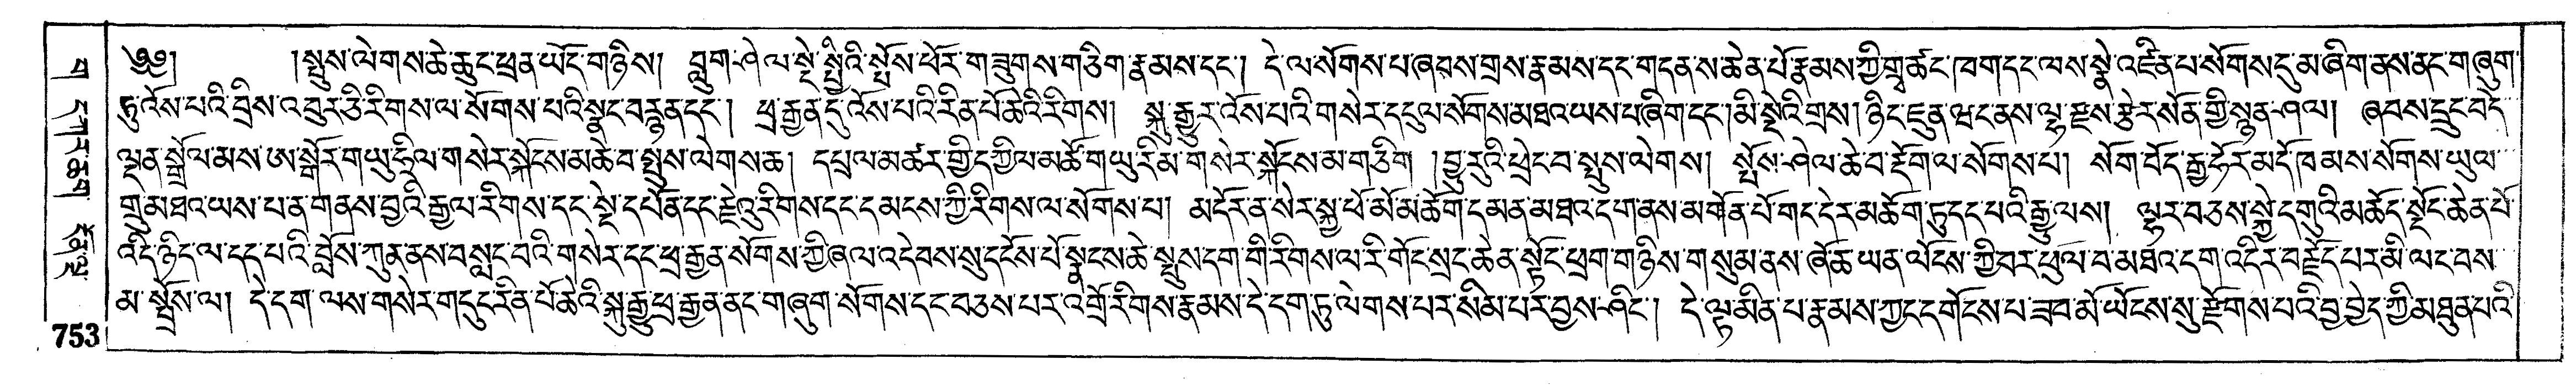༄༅། །སྤུས་ལེགས་ཆེ་ཆུང་ཕྲན་ཡོད་གཉིས། བླུག་ཤེལ་སྔོ་སྐྱའི་སྦོས་ཕོར་གཟུགས་གཅིག་རྣམས་དང་། དེ་ལ་སོགས་བ་ཞབས་གྲས་རྣམས་དང་གདན་ས་ཆེན་པོ་རྣམས་ཀྱི་གྲྭ་ཚང་ཁག་དང་ལས་སྣེ་འཛིན་པ་སོགས་དུ་མ་ཞིག་ནས་ནང་གཞུག་
ཏུ་འོས་པའི་བྲིས་འབུར་ཅི་རིགས་ལ་སོགས་པའི་སྣང་བརྙན་དང་། ཕྲ་རྒྱན་དུ་འོས་པའི་རིན་པོ་ཆེའི་རིགས། སྐུ་རྒྱུར་འོས་བའི་གསེར་དངུལ་སོགས་མཐའ་ཡས་བ་ཞིག་དང་། མི་སྡེའི་གྲས། ཉིང་ཇུན་ཝང་ནས་ལྷ་རྫས་རྩེར་སོན་གྱི་སྙན་ཤལ། ཞབས་དྲུང་བདེ་
ལྡན་སྒྲོལ་མས་ཨ་སྒོར་གཡུ་ཧྲིལ་གསེར་སྐོངས་མཆེ་བ་སྤུས་ལེགས་ཆ། དཔྲལ་མཚར་གྱི་དཀྱིལ་མཆོ་གཡུ་རིམ་གསེར་སྐོངས་མ་གཅིག །བྱུ་རུའི་ཕྲེང་བ་སྤུས་ལེགས། སྤོས་ཤེལ་ཆེ་བ་རྡོག་ལ་སོགས་པ། སོག་བོད་རྒྱ་ཧོར་མདོ་ཁམས་སོགས་ཡུལ་
གྲུ་མཐའ་ཡས་པ་ན་གནས་བའི་རྒྱལ་རིགས་དང་སྡེ་དཔོན་དང་རྗེའི་རིགས་དང་དམངས་ཀྱི་རིགས་ལ་སོགས། པ། མདོར་ན་སེར་སྐྱ་ཕོ་མོ་མཆོག་དམན་མཐའ་དག་ནས་མགོན་པོ་གང་དེར་མཆོག་ཏུ་དད་བའི་རྒྱུ་ལས། ལྷར་བཅས་སྐྱེ་དགུའི་མཆོད་སྡོང་ཆེན་པོ་
འདི་ཉིད་ལ་དད་པའི་བློས་ཀུན་ནས་བསླང་བའི་གསེར་དང་ཕྲ་རྒྱན་སོགས་ཀྱི་ཞལ་འདེབས་སུ་དངོས་བོ་སྣངས་ཆེ་སྤུས་དག་གི་རིགས་ལ་རི་གོང་སྲང་ཆེན་སྟོང་ཕྲག་གཉིས་གསུམ་ནས་ཞོ་ཆ་ཡན་ལོངས་ཀྱི་བར་ཕུལ་བ་མཐའ་དག་འདིར་བརྗོད་པར་མི་ལང་བས་
མ་སྦྲོས་ལ། དེ་དག་ལས་གསེར་གདུང་རིན་པོ་ཆེའི་སྐུ་རྒྱུ་ཕྲ་རྒྱན་ནང་གཞུག་སོགས་དང་བཅས་པར་འགྲོ་རིགས་རྣམས་དེ་དག་ཏུ་ལེགས་པར་སིམ་པར་བྱས་ཤིང་། དེ་ལྟ་མིན་པ་རྣམས་ཀྱང་དགོངས་པ་ཟབ་མོ་ཡོངས་སུ་རྫོགས་པའི་བྱ་བྱེད་ཀྱི་མཐུན་པའི་